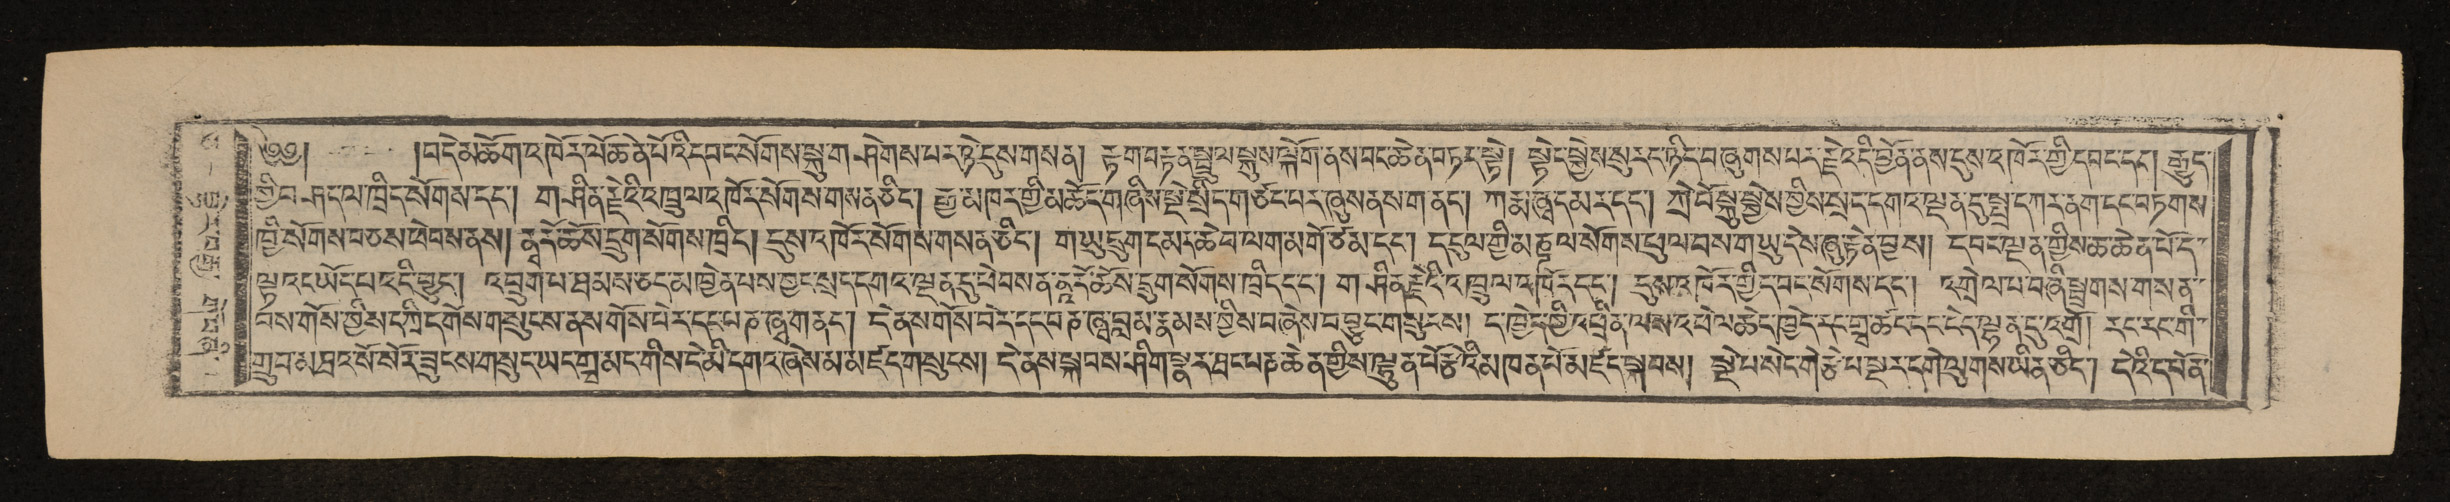༄༅། །བདེ་མཆོག་འཁོར་ལོ་ཆེན་པོའི་དབང་སོགས་སྐུ་གཤེགས་པར་ཉེ་དུས་གསན། རྟག་བརྟན་སྤྲུལ་སྐུས་ལྐོག་ནས་བང་ཆེན་བཏང་སྟེ། སྟེང་སྐྱེས་སུ་རང་ཉིད་བཞུགས་པར་རྗེ་འདི་བྱོན་ནས་དུས་འཁོར་གྱི་དབང་དང་། རྒྱུད་
ཀྱི་བཤད་པ་ཁྲིད་སོགས་དང་། གཤིན་རྗེའི་འཁྲུལ་འཁོར་སོགས་གསན་ཅིང་། རྒྱ་མཁར་གྱི་མཆོད་གཞིས་སྡེ་སྲིད་གཙང་བར་ཞུས་ནས་གནང་། ཀརྨ་ཞྭ་དམར་དང་། ཀྲེ་བོ་སྐུ་སྐྱེས་ཀྱིས་སྲད་དགའ་ལྡན་དུ་སྦྲ་དཀར་ནག་དང་བཏགས་
ཁྱི་སོགས་བཅས་ཕེབས་ནས། ནཱ་རོ་ཆོས་དྲུག་སོགས་ཁྲིད། དུས་འཁོར་སོགས་གསན་ཅིང་། གཡུ་དྲུག་དམར་ཆེ་བ་ལག་མགོ་ཙམ་དང་། དངུལ་གྱི་མཎྜལ་སོགས་ཕུལ་བས་གཡུ་དེས་ཞུ་རྟེན་བྱས། དབང་ལྡན་གྱིས་ཆ་ཆེན་པོ་ད་
ལྟའང་ཡོད་པ་འདི་བྱུང་། འབྲུག་པ་ཐམས་ཅད་མཁྱེན་པས་ཀྱང་སྲད་དགའ་ལྡན་དུ་ཕེབས་ན་ནཱ་རོ་ཆོས་དྲུག་སོགས་ཁྲིད་དང་། གཤིན་རྗེའི་འཁྲུལ་འཁོར་དང་། དུས་འཁོར་གྱི་དབང་སོགས་དང་། འགྲེལ་པ་བཞི་སྦྲགས་གསན་
པས་གོས་ཀྱིས་དཀྲི་དགོས་གསུངས་ནས་གོས་བེར་དང་པཎ་ཞྭ་གནང་། དེ་ནས་གོས་བེར་དང་པཎ་ཞྭ་བླ་མ་རྣམས་ཀྱིས་བཞེས་པ་བྱུང་གསུངས། ད་ཁྱེད་ཀྱི་འཕྲིན་ལས་འཕེལ་ཆེད་ཁྱེད་རང་གྲྭ་ཚང་དང་ངེད་ལྷན་དུ་འགྲོ། རང་རང་གི་
གྲུབ་མཐའ་སོ་སོར་ཟུངས་གསུང་ཡང་གྲྭ་མང་གིས་དེ་མི་དགའ་ཞེས་མ་མཛད་གསུངས། དེ་ནས་སྐབས་ཤིག་སྣར་ཐང་པཎ་ཆེན་གྱིས་ལྷུན་པོ་རྩེའི་མཁན་པོ་མཛད་སྐབས། སྡེ་བ་སེང་གེ་རྩེ་པ་སྔར་དགེ་ལུགས་ཡིན་ཅིང་། དེའི་དཔོན་